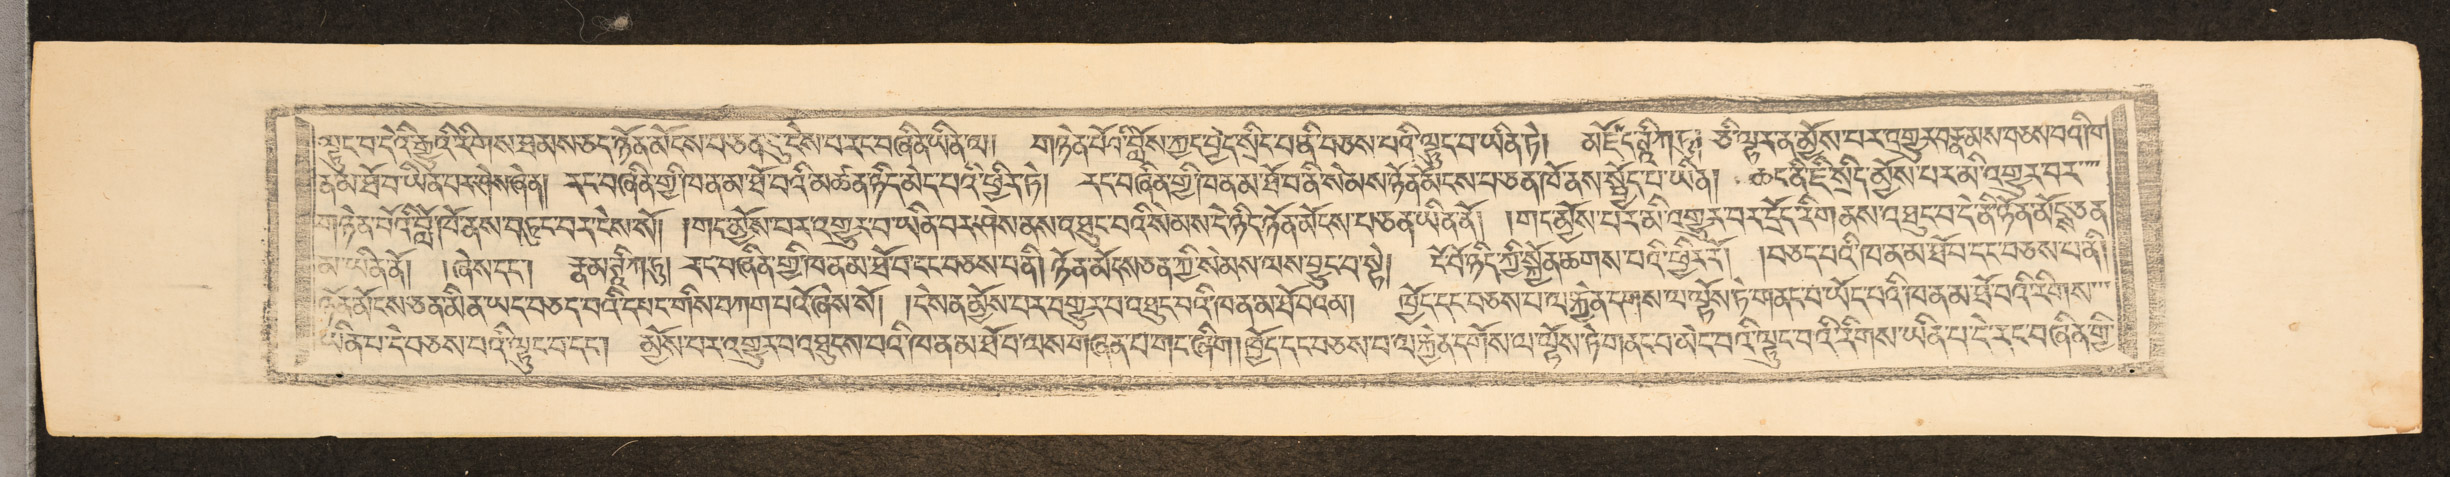ལྟུང་བ་དེའི་རྒྱུའི་རིགས་ཐམས་ཅད་ཉོན་མོངས་པ་ཅན་དུ་ངེས་པ་རང་བཞིན་ཡིན་ལ། གཉེན་པོའི་བློས་ཀྱང་བྱེད་སྲིད་པ་ནི་བཅས་པའི་ལྟུང་བ་ཡིན་ཏེ། མཛོད་ཊཱིཀ་ཏུ། ཅི་ལྟར་ན་མྱོས་པར་འགྱུར་བ་རྣམས་བཅས་པའི་ཁ་
ནམ་ཐོ་པ་ཡིན་པར་ཤེས་ཞེ་ན། རང་བཞིན་གྱི་ཁ་ན་མ་ཐོ་བའི་མཚན་ཉིད་མེད་པའི་ཕྱིར་ཏེ། རང་བཞིན་གྱི་ཁ་ན་མ་ཐོ་བ་ནི་སེམས་ཉོན་མོངས་པ་ཅན་ཁོ་ནས་སྤྱོད་པ་ཡིན། ཆད་ནི་ཇི་སྲིད་མྱོས་པར་མི་འགྱུར་བར་
གཉེན་པོའི་བློ་ཁོ་ནས་བཏུད་པར་ངེས་སོ། །གང་མྱོས་པར་འགྱུར་པ་ཡིན་པར་ཤེས་ནས་འཐུང་བའི་སེམས་དེ་ཉིད་ཉོན་མོངས་པ་ཅན་ཡིན་ནོ། །གང་མྱོས་པར་མི་འགྱུར་བར་དྲོད་རིག་ནས་འཐུང་བ་དེ་ནི་ཉོན་མོངས་ཅན་
མ་ཡིན་ནོ། །ཞེས་དང་། རྣམ་ཊཱིཀ་ཏུ། རང་བཞིན་གྱི་ཁ་ན་མ་ཐོ་བ་དང་བཅས་པ་ནི། ཉོན་མོངས་ཅན་ཀྱི་སེམས་ལས་བྱུང་བ་སྟེ། ངོ་བོ་ཉིད་ཀྱི་སྐྱོན་ཆགས་པའི་ཕྱིར་རོ། །བཅད་པའི་ཁ་ན་མ་ཐོབ་དང་བཅས་པ་ནི།
ཉོན་མོངས་ཅན་མིན་ཡང་བཅད་པའི་དཔང་གིས་བཀག་པའོ་ཞེས་སོ། །དེས་ན་མྱོས་པར་འགྱུར་བ་འཐུང་བའི་ཁཾ་ན་མ་ཐོ་བའམ། ཁྱོད་དང་བཅས་པ་ལ་རྐྱེན་དགོས་ལ་ལྟོས་ཏེ་གནང་བ་ཡོད་པའི་ཁ་ན་མ་ཐོ་བའི་རིགས་
ཡིན་པ་དེ་བཅས་པའི་ལྟུང་བ་དང་། མྱོས་པར་འགྱུར་བ་འཐུངས་པའི་ཁ་ན་མ་ཐོ་བ་ལས་གཞན་པ་གང་ཞིག །ཁྱོད་དང་བཅས་པ་ལ་རྐྱེན་དགོས་ལ་ལྟོས་ཏེ་གནང་བ་མེད་པའི་ལྟུང་བའི་རིགས་ཡིན་པ་དེ་རང་བཞིན་གྱི་